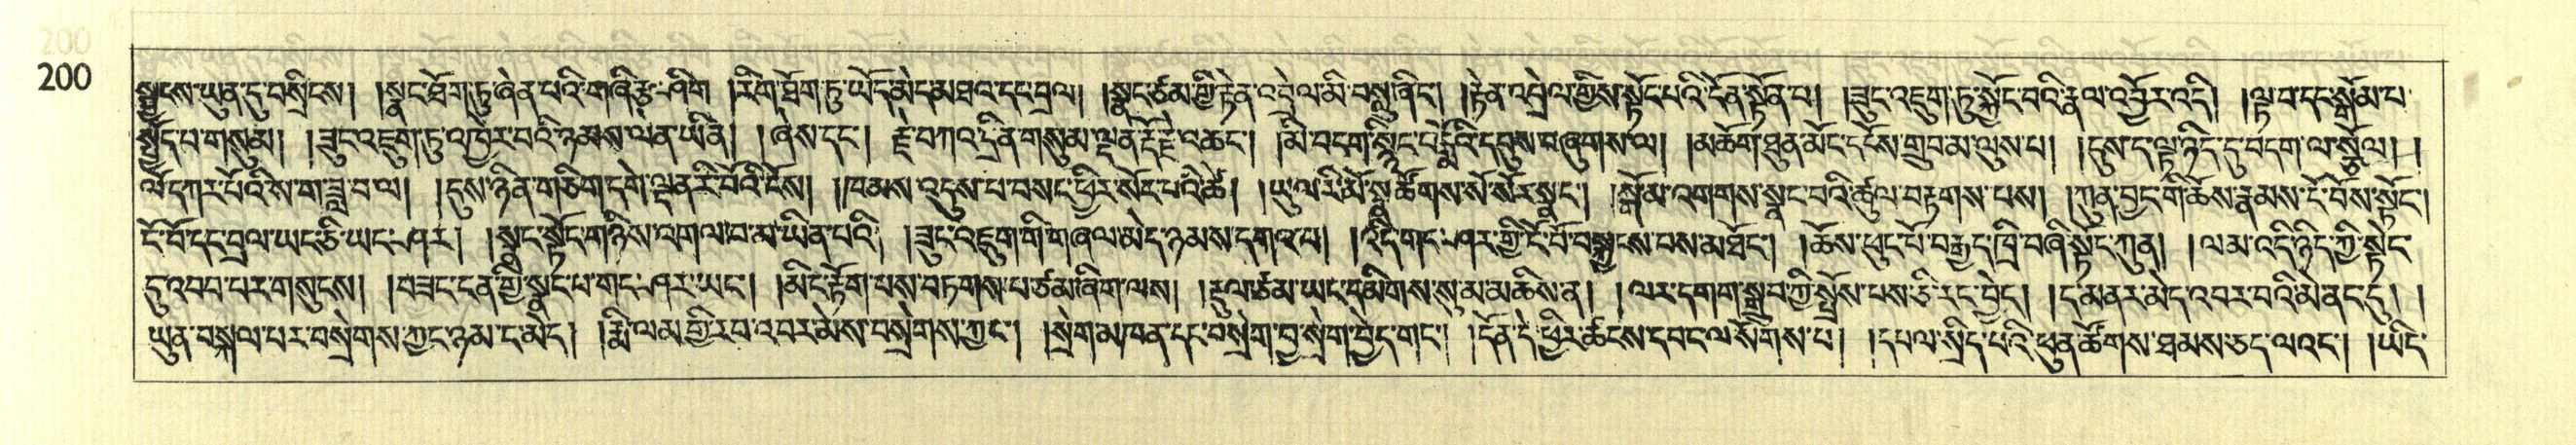སྦྱངས་ཡུན་དུ་བསྲིངས། །སྣང་ཐོག་ཏུ་ཞེན་པའི་གཞི་རྩ་ཤིག །རིག་ཐོག་ཏུ་ཡོད་མེད་མཐའ་དང་བྲལ། །སྣང་ཙམ་གྱི་རྟེན་འབྲེལ་མི་བསླུ་ཞིང་། །རྟེན་འབྲེལ་གྱིས་སྟོང་པའི་དོན་སྟོན་པ། །ཟུང་འཇུག་ཏུ་སྐྱོང་བའི་རྣལ་འབྱོར་འདི། །ལྟ་བ་དང་སྒོམ་པ་
སྤྱོད་པ་གསུམ། །ཟུང་འཇུག་ཏུ་འཁྱེར་བའི་ཉམས་ལེན་ཡིན། །ཞེས་དང་། རྗེ་བཀའ་དྲིན་གསུམ་ལྡན་རྡོ་རྗེ་འཆང་། །མི་བདག་སྙིང་པདམོའི་དབུས་བཞུགས་ལ། །མཆོག་ཐུན་མོང་དངོས་གྲུབ་མ་ལུས་པ། །དུས་ད་ལྟ་ཉིད་དུ་བདག་ལ་སྩོལ། །
ལོ་དཀར་པོའི་ས་ག་ཟླ་བ་ལ། །དུས་ཉིན་གཅིག་དགེ་ལྡན་རི་བོའི་ངོས། །ཁམས་འདུས་པ་བསང་ཕྱིར་སོང་པའི་ཚེ། །ཡུལ་རི་མོ་སྣ་ཚོགས་སོ་སོར་སྣང་། །སྒོ་མ་འགགས་སྣང་བའི་ཚུལ་བརྟགས་པས། །ཀུན་བྱང་གི་ཆོས་རྣམས་ངོ་བོས་སྟོང་།
ངོ་བོ་དང་བྲལ་ཡང་ཅི་ཡང་ཤར། །སྣང་སྟོང་གཉིས་འགལ་བ་མ་ཡིན་པའི། །ཟུང་འཇུག་གི་གཞལ་མེད་ཉམས་དགའ་པ། །འདི་གང་ཤར་གྱི་ངོ་བོ་བསྐྱངས་པས་མཐོང་། །ཆོས་ཕུང་པོ་བརྒྱད་ཁྲི་བཞི་སྟོང་ཀུན། །ལམ་འདི་ཉིད་ཀྱི་སྟེང་
དུ་འབབ་པར་གསུངས། །བཟང་ངན་གྱི་སྣང་པ་གང་ཤར་ཡང་། །མིང་རྟོག་པས་བཏགས་པ་ཙམ་ཞིག་ལས། །རྡུལ་ཙམ་ཡང་དམིགས་སུ་མ་མཆིས་ན། །ལར་དགག་སྒྲུབ་ཀྱི་སྤྲོས་པས་ཅི་རང་བྱེད། །ད་མནར་མེད་འབར་བའི་མེ་ནང་དུ། །
ཡུན་བསྐལ་པར་བསྲེགས་ཀྱང་ཉམ་ང་མེད། །རྨི་ལམ་གྱི་རབ་འབར་མེས་བསྲེགས་ཀྱང་། །སྲེག་མཁན་དང་བསྲེག་བྱ་སྲེག་བྱེད་གང་། །དོན་དེ་ཕྱིར་ཚངས་དབང་ལ་སོགས་པ། །དཔལ་སྲིད་པའི་ཕུན་ཚོགས་ཐམས་ཅད་ལའང་། །ཡིད་